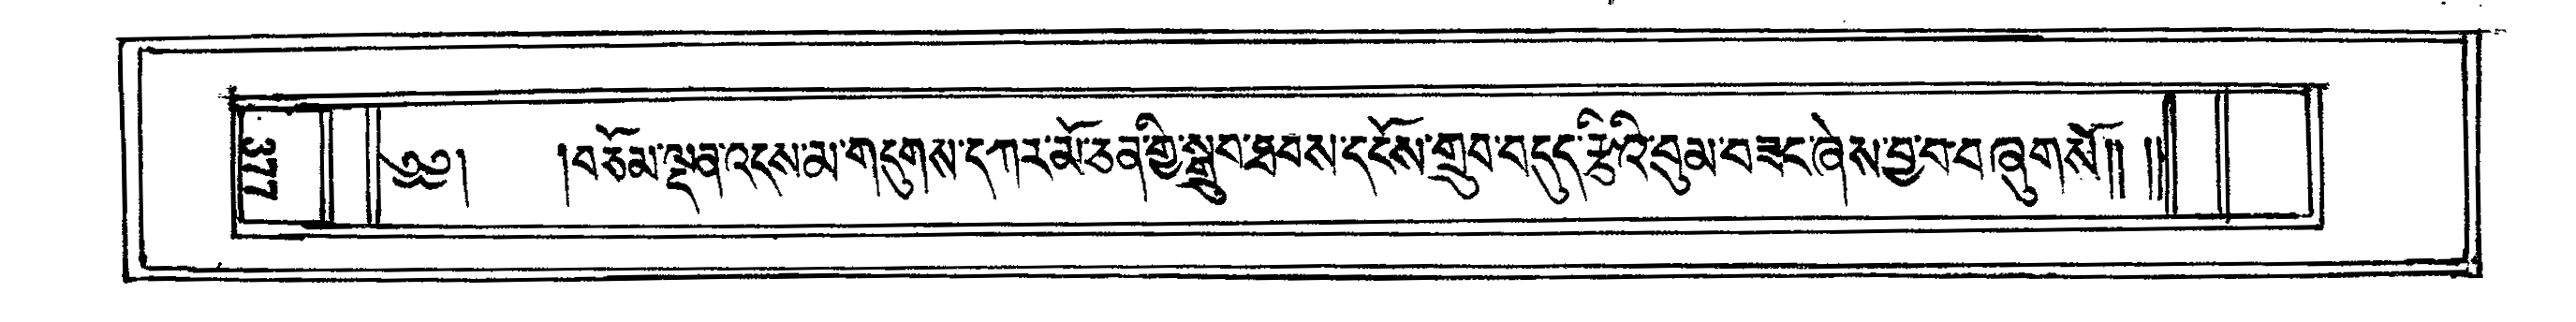༄༅། །བཅོམ་ལྡན་འདས་མ་གདུགས་དཀར་མོ་ཅན་གྱི་སྒྲུབ་ཐབས་དངོས་གྲུབ་བདུད་རྩིའི་བུམ་བཟང་ཞེས་བྱ་བ་བཞུགས།། །།